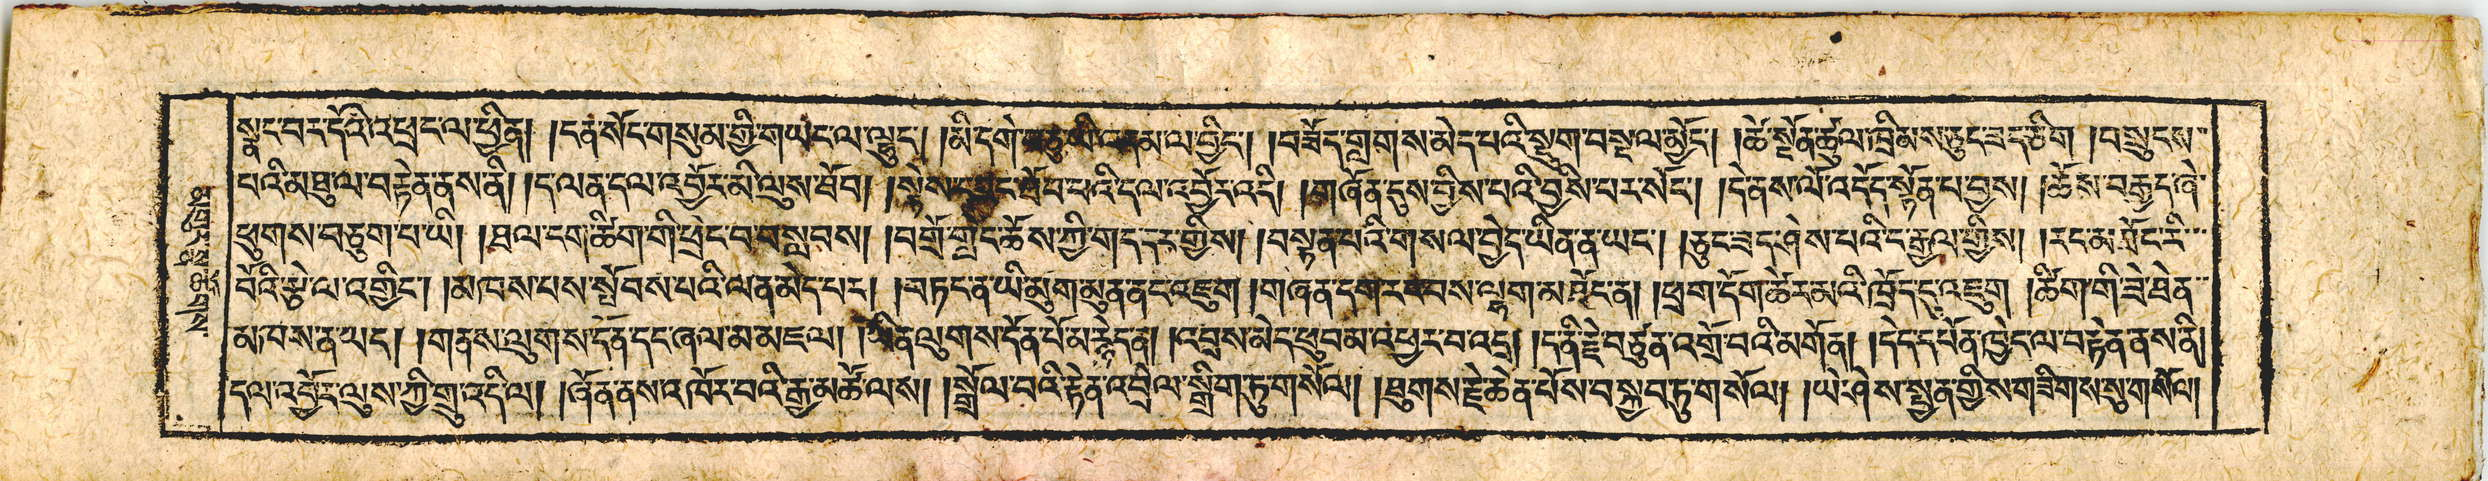སྣང་བར་དོའི་འཕྲང་ལ་ཕྱིན། །ངན་སོང་གསུམ་གྱི་གཡང་ལ་ལྷུང་། །མི་དགེ་བཅུ་ཡི་འདམ་ལ་བྱིང་། །བཟོད་གླགས་མེད་པའི་སྡུག་བསྔལ་མྱོང་། །ཚེ་སྔོན་ཚུལ་ཁྲིམས་ཅུང་ཟད་ཅིག །བསྲུངས་
པའི་མཐུ་ལ་བརྟེན་ནས་ནི། །ད་ལན་དལ་འབྱོར་མི་ལུས་ཐོབ། །སྟེས་དབང་ཐོབ་པའི་དལ་འབྱོར་འདི། །གཞོན་དུས་བྱིས་པའི་བྱིས་པར་སོང་། །དེ་ནས་ལོ་འདོད་སྟོན་པ་བྱས། །ཆོས་བརྒྱད་ཞེ་
ཕུགས་བཅུག་པ་ཡི། །ཐལ་ངག་ཚིག་གི་ཕྲེང་བ་བསླབས། །བགྲོ་གླེང་ཆོས་ཀྱི་ག་གདར་གྱིས། །བསྟན་པའི་གསལ་བྱེད་ཡིན་ན་ཡང་། །ཅུང་ཟད་ཤེས་པའི་ང་རྒྱལ་གྱིས། །རང་མཐོང་རི་
བོའི་རྩེ་ལ་འགྱིང་། །མཁས་པས་སྤོབས་པའི་ལན་མེད་པར། །བཏང་ན་ཡི་མུག་མུན་ནང་འཇུག །གཞན་དག་རང་བས་ལྷག་མཐོང་ན། །ཕྲག་དོག་ཚེར་མའི་ཁྲོད་དུ་འཇུག །ཚིག་གི་ཟེ་ཐེན་
མཁས་ན་ཡང་། །གནས་ལུགས་དོན་དང་ཞལ་མ་མཇལ། །གནས་ལུགས་དོན་པོ་མ་རྙེད་ན། །འབྲས་མེད་ཕུབ་མ་འཕྱར་བ་འདྲ། །ད་ནི་རྗེ་བཙུན་འགྲོ་བའི་མགོན། །དེད་དཔོན་ཁྱེད་ལ་བརྟེན་ནས་ནི། །
དལ་འབྱོར་ལུས་ཀྱི་གྲུ་འདི་ལ། །ཞོན་ནས་འཁོར་བའི་རྒྱ་མཚོ་ལས། །སྒྲོལ་བའི་རྟེན་འབྲེལ་སྒྲིག་ཏུ་གསོལ། །ཐུགས་རྗེ་ཆེན་པོས་བསྐྱབ་ཏུ་གསོལ། །ཡེ་ཤེས་སྤྱན་གྱིས་གཟིགས་སུ་གསོལ། །